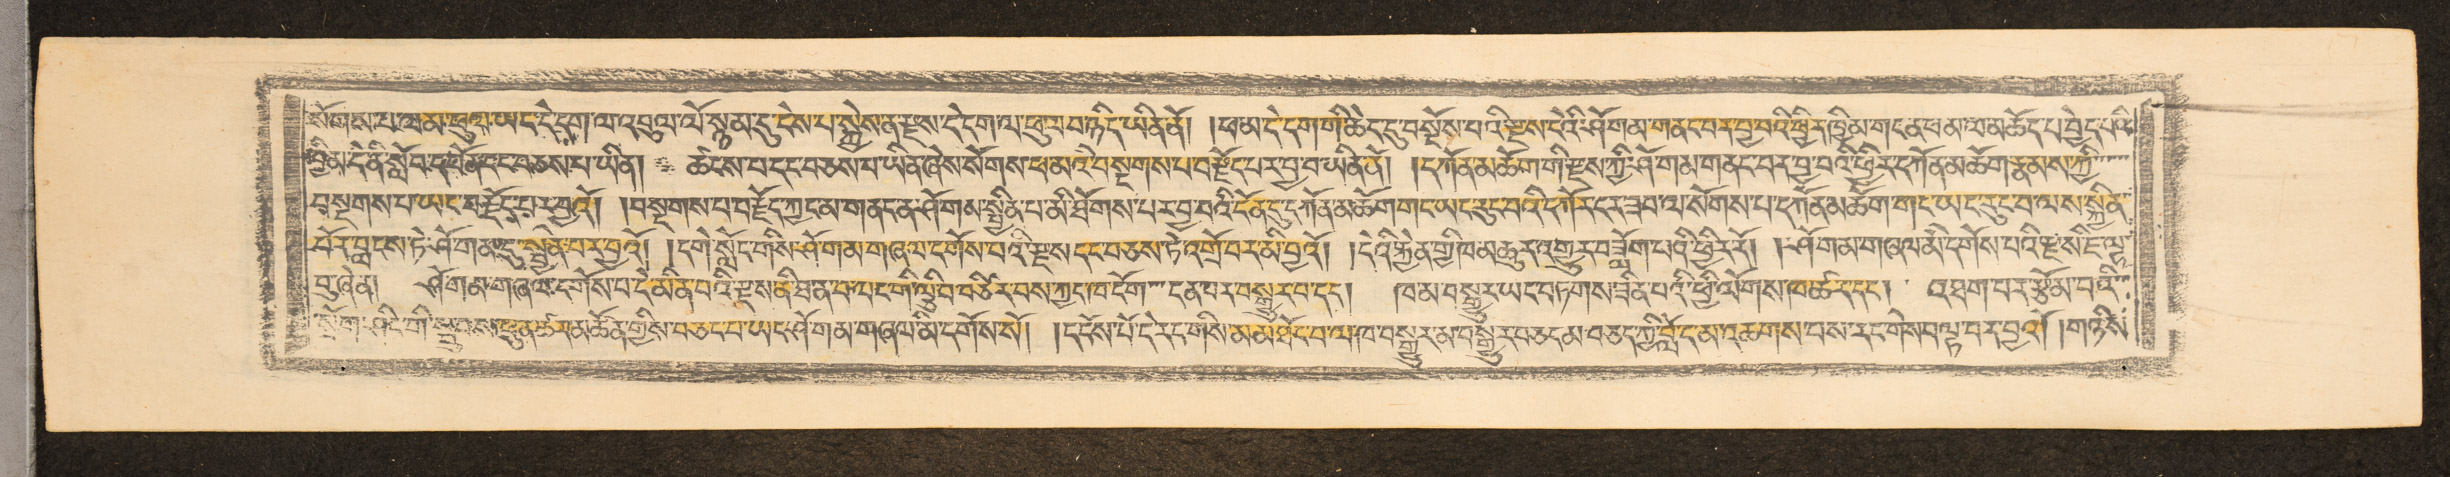སོགས་པ་ལ་མ་ཕུལ་ཡང་དེ་དག་ལ་འབུལ་ལོ་སྙམ་དུ་ངེས་པ་སྐྱེས་ན་རྫས་དེ་དག་ལ་ཕུལ་བ་ཉིད་ཡིན་ནོ། །ཕ་མ་དེ་དག་གི་ཆེད་དུ་བསྔོས་པའི་རྫས་དེའི་ཤོ་གམ་གནང་བར་བྱ་བའི་ཕྱིར་ཁྱིམ་གང་ན་ཕ་མ་ལ་མཆོད་པ་བྱེད་པའི་
ཁྱིམ་དེ་ནི་སློབ་དཔོན་དང་བཅས་པ་ཡིན། ཚངས་པ་དང་བཅས་པ་ཡིན་ཞེས་སོགས་ཕ་མའི་བསྔགས་པ་བརྗོད་པར་བྱ་བ་ཡིན་ནོ། །དཀོན་མཆོག་གི་རྫས་ཀྱི་ཤོ་གམ་གནང་བར་བྱ་བའི་ཕྱིར་དཀོན་མཆོག་རྣམས་ཀྱི་
བསྔགས་པ་ཡང་བརྗོད་པར་བྱའོ། །བསྔགས་པ་བརྗོད་ཀྱང་མ་གནང་ན་ཤོ་གམ་སྦྱིན་པ་མི་ཐོགས་པར་བྱ་བའི་དོན་དུ་དཀོན་མཆོག་གང་ཡང་རུང་བའི་དཀོར་དར་ཟབ་ལ་སོགས་པ་དཀོན་མཆོག་གང་ཡང་རུང་བ་ལ་སྐྱིན་
པོར་བླངས་ཏེ་ཤོ་གམ་དུ་སྦྱིན་པར་བྱའོ། །དགེ་སློང་གིས་ཤོ་གམ་གཞལ་དགོས་པའི་རྫས་དང་བཅས་ཏེ་འགྲོ་བར་མི་བྱའོ། །དེའི་རྐྱེན་གྱི་ཁ་མཆུར་འགྱུར་བཟློག་པའི་ཕྱིར་རོ། །ཤོ་གམ་གཞལ་མི་དགོས་པའི་རྫས་ཇི་ལྟ་
བུ་ཞེ་ན། ཤོ་གམ་གཞལ་དགོས་པ་དེ་མིན་པའི་རྫས་ནི་ཐ་ན་བ་ལང་གི་ལྕིབ་བཙིར་བས་ཀྱང་ཁ་དོག་ངན་པར་བསྒྱུར་བ་དང་། ཁ་མ་བསྒྱུར་ཡང་བཏགས་ཟིན་པའི་ཕྱི་ལོགས་ཁ་ཚར་དང་། འཐག་པར་རྩོམ་པའི་
སྲོག་ཤིང་གི་སྦུབས་ཕུན་ཚར་མཚོན་གྱིས་བཅད་པ་ཡང་ཤོ་གམ་གཞལ་མི་དགོས་སོ། །དངོས་པོ་དེ་རང་གིས་མ་མཐོང་བ་ལ་ཁ་བསྒྱུར་མ་བསྒྱུར་བཅད་མ་བཅད་ཀྱི་བློ་དེ་མི་འཆགས་པས་རང་གིས་བལྟ་བར་བྱའོ། །གཉིས་